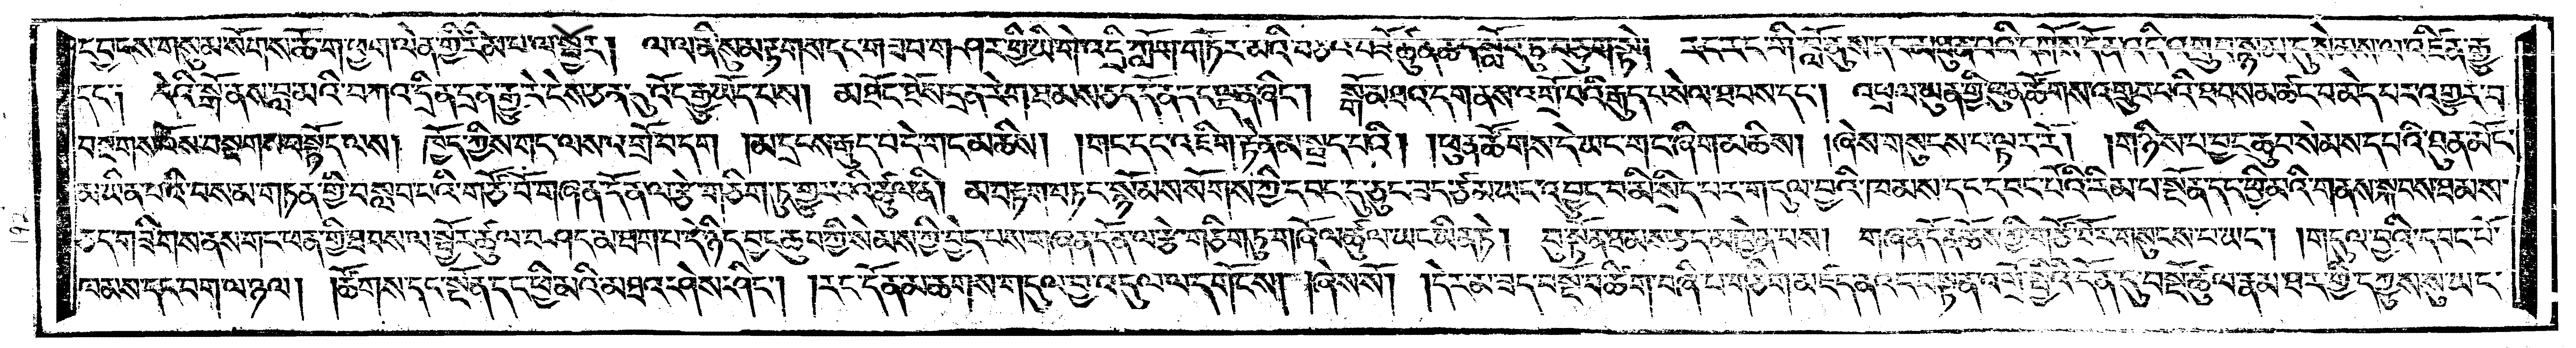དབྱངས་གསུམ་སོགས་ཆོ་ག་ཕྱག་ལེན་གྱི་རིམ་པ་ལ་སྦྱོར། ལ་ལ་ནི་སུམ་རྟགས་དང་གཟབ་བཤར་གྱི་ཡི་གེ་འདྲི་ཀློག་གཏོར་མའི་བཅའ་བཟོ་ཚུན་ཆད་སློབ་ཏུ་བཅུག་སྟེ། རང་རང་གི་བློ་ནུས་དང་མཐུན་པའི་དགོས་དོན་འདི་འགྲུབ་སྙམ་དུ་སེམས་ལ་འཛིན་རྒྱུ་
དང༑ དེའི་སྒོ་ནས་བླ་མའི་བཀའ་དྲིན་དྲན་རྒྱུ་རེ་ངེས་ཅན་དུ་འོང་རྒྱུ་ཡོད་བས། མཐོང་ཐོས་དྲན་རེག་ཐམས་ཅད་དོན་དང་ལྡན་ཞིང་། སྒོ་མཐའ་དག་ནས་འགྲོ་བའི་རྒུད་པ་སེལ་ཐབས་དང་། འཕྲལ་ཡུན་གྱི་ཕུན་ཚོགས་འགྲུབ་པའི་ཐབས་མཚང་བ་མེད་པར་འགྱུར་པ་
བསྔགས་འོས་བསྔགས་བསྟོད་ལས། ཁྱོད་ཀྱིས་གང་ལས་འགྲོ་བདག །མ་དྲངས་རྒུད་པ་དེ་གང་མཆིས། །གང་དང་འཇིག་རྟེན་མ་སྤྲད་པའི། །ཕུན་ཚོགས་དེ་ཡང་གང་ཞིག་མཆིས། །ཞེས་གསུངས་པ་ལྟར་རོ། །གཉིས་པ་བྱང་ཆུབ་སེམས་དཔའི་ཐུན་མོང་
མ་ཡིན་པའི་བསམ་གཏན་གྱི་བསླབ་པའི་གཙོ་བོ་གཞན་དོན་ལ་རྩེ་གཅིག་ཏུ་གྱུར་པའི་ཚུལ་ནི། མ་བརྟག་བཏང་སྙོམས་སོགས་ཀྱི་དབང་དུ་ཅུང་ཟད་ཙམ་ཡང་འབྱུང་བ་མི་སྲིད་པར་གདུལ་བྱའི་ཁམས་དང་དབང་བོའི་རིམ་པ་སྔོན་དང་ཕྱི་མའི་གནས་སྐབས་ཐམས་
ཅད་གཟིགས་ནས་གང་ཕན་གྱི་ཐབས་ལ་སྦྱོར་ཚུལ་བཤད་མ་ཐག་པ་དེ་ཉིད་བྱང་ཆུབ་ཀྱི་སེམས་ཀྱི་བྱེད་པས་གཞན་དོན་ལ་རྩེ་གཅིག་ཏུ་གཞོལ་ཚུལ་ཡང་ཡིན་ཏེ། བུ་སྟོན་ཐམས་ཅད་མཁྱེན་པས། གཞན་དོན་ཆོས་ཀྱི་གཙོ་བོར་གསུངས་པ་ཡང་། །གདུལ་བྱའི་དབང་པོ་
ཁམས་དང་བག་ལ་ཉལ། །ཚོགས་དང་སྔོན་དང་ཕྱི་མའི་མཐའ་ཤེས་ཤིང་། །རང་དོན་མཆགས་གདུལ་བྱ་འདུལ་ལ་དགོངས། །ཞེས་སོ། །དེར་མ་ཟད་བསྔོབ་ཚིག་བཞི་པ་གཅིག་མཛད་ནའང་བསྟན་འགྲོ་སྤྱིའི་དོན་དུ་བསྔོ་ཚུལ་རྣམ་ཐར་གྱི་དཀྱུས་སུ་ཡང་